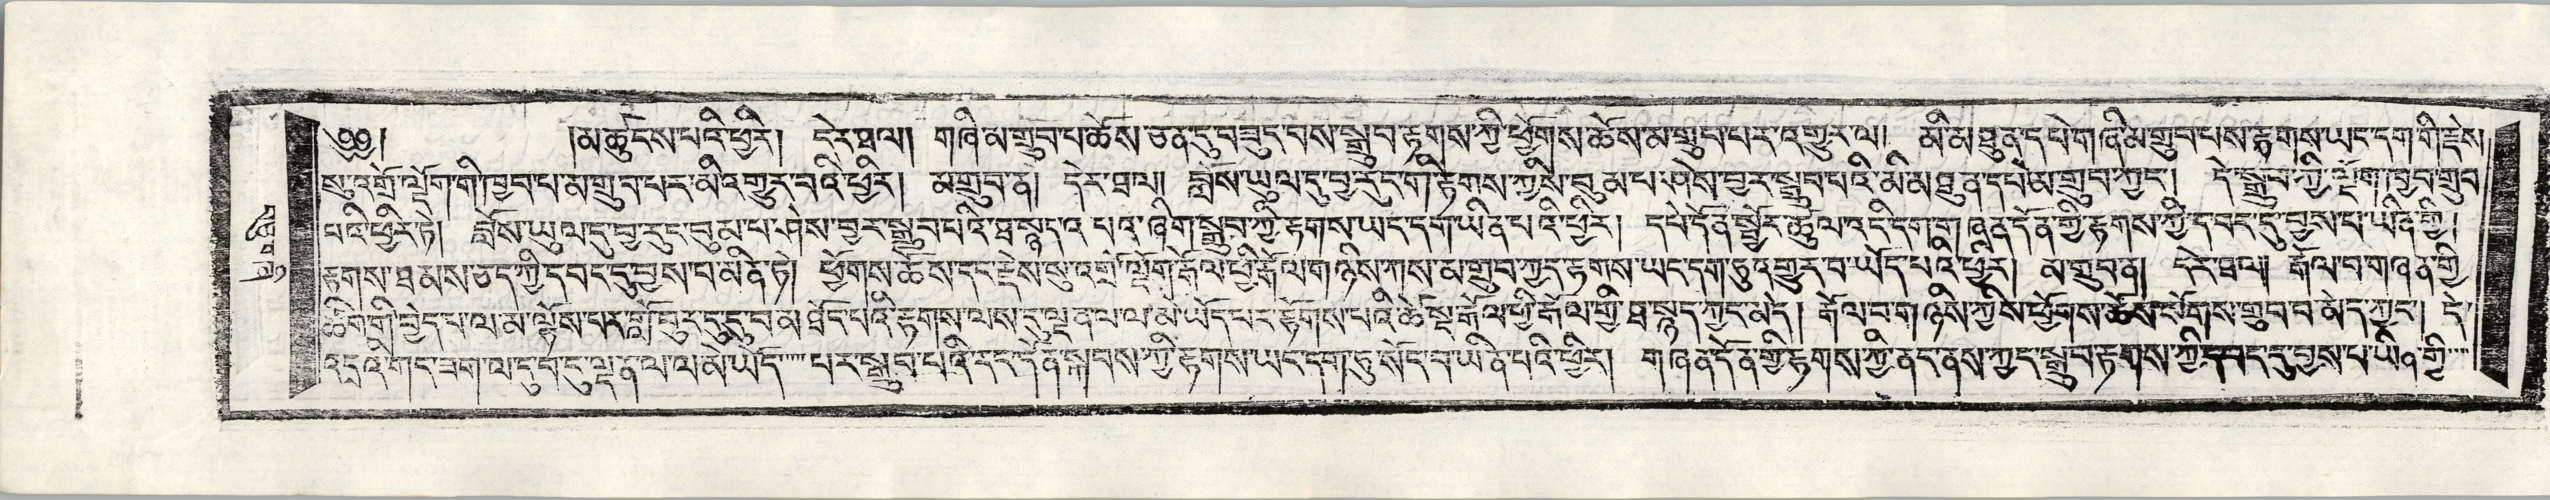༄༅། །མཚུངས་པའི་ཕྱིར། དེར་ཐལ། གཞི་མ་གྲུབ་པ་ཆོས་ཅན་དུ་བཟུང་བས་སྒྲུབ་རྟགས་ཀྱི་ཕྱོགས་ཆོས་མ་གྲུབ་པར་འགྱུར་ལ། མི་མཐུན་དཔེ་གཞི་མ་གྲུབ་པས་རྟགས་ཡང་དག་གི་རྗེས་
སུ་འགྲོ་ལྡོག་གི་ཁྱབ་པ་མ་གྲུབ་པར་མི་འགྱུར་བའི་ཕྱིར། མ་གྲུབ་ན། དེར་ཐལ། བློའི་ཡུལ་དུ་བྱ་རུང་གི་རྟགས་ཀྱིས་བུམ་པ་ཤེས་བྱར་སྒྲུབ་པའི་མི་མཐུན་དཔེ་མ་གྲུབ་ཀྱང་། དེ་སྒྲུབ་ཀྱི་ལྡོག་ཁྱབ་གྲུབ་
པའི་ཕྱིར་ཏེ། བློའི་ཡུལ་དུ་བྱ་རུང་བུམ་པ་ཤེས་བྱར་སྒྲུབ་པའི་ཐ་སྙད་འབའ་ཞིག་སྒྲུབ་ཀྱི་རྟགས་ཡང་དག་ཡིན་པའི་ཕྱིར། དཔེ་དོན་སྦྱོར་ཚུལ་འདི་དག་གཞན་དོན་གྱི་རྟགས་ཀྱི་དབང་དུ་བྱས་པ་ཡིན་གྱི།
རྟགས་ཐམས་ཅད་ཀྱི་དབང་དུ་བྱས་པ་མིན་ཏེ། ཕྱོགས་ཆོས་དང་རྗེས་སུ་འགྲོ་ལྡོག་རྒོལ་ཕྱི་རྒོལ་གཉིས་ཀས་མ་གྲུབ་ཀྱང་རྟགས་ཡང་དག་ཏུ་འགྱུར་བ་ཡོད་པའི་ཕྱིར། མ་གྲུབ་ན། དེར་ཐལ། རྒོལ་བ་གཞན་གྱི་
ཚིག་གི་བྱེད་པ་ལ་མ་ལྟོས་པར་གློ་བུར་དུ་དུ་བ་མཐོང་བའི་རྟགས་ལས་དུ་ལྡན་ལ་ལ་མེ་ཡོད་པར་རྟོགས་པའི་ཚེ་སྔ་རྒོལ་ཕྱི་རྒོལ་གྱི་ཐ་སྙད་ཀྱང་མེད། རྒོལ་བ་གཉིས་ཀྱིས་ཕྱོགས་ཆོས་སོགས་གྲུབ་པ་མེད་ཀྱང་། དེ་
འདྲའི་གང་ཟག་ལ་དུ་བ་དུ་ལྡན་ལ་ལ་མེ་ཡོད་པར་སྒྲུབ་པའི་རང་དོན་སྐབས་ཀྱི་རྟགས་ཡང་དག་ཏུ་སོང་བ་ཡིན་བའི་ཕྱིར། གཞན་དོན་གྱི་རྟགས་ཀྱི་ནང་ནས་ཀྱང་སྒྲུབ་རྟགས་ཀྱི་དབང་དུ་བྱས་པ་ཡིན་གྱི་